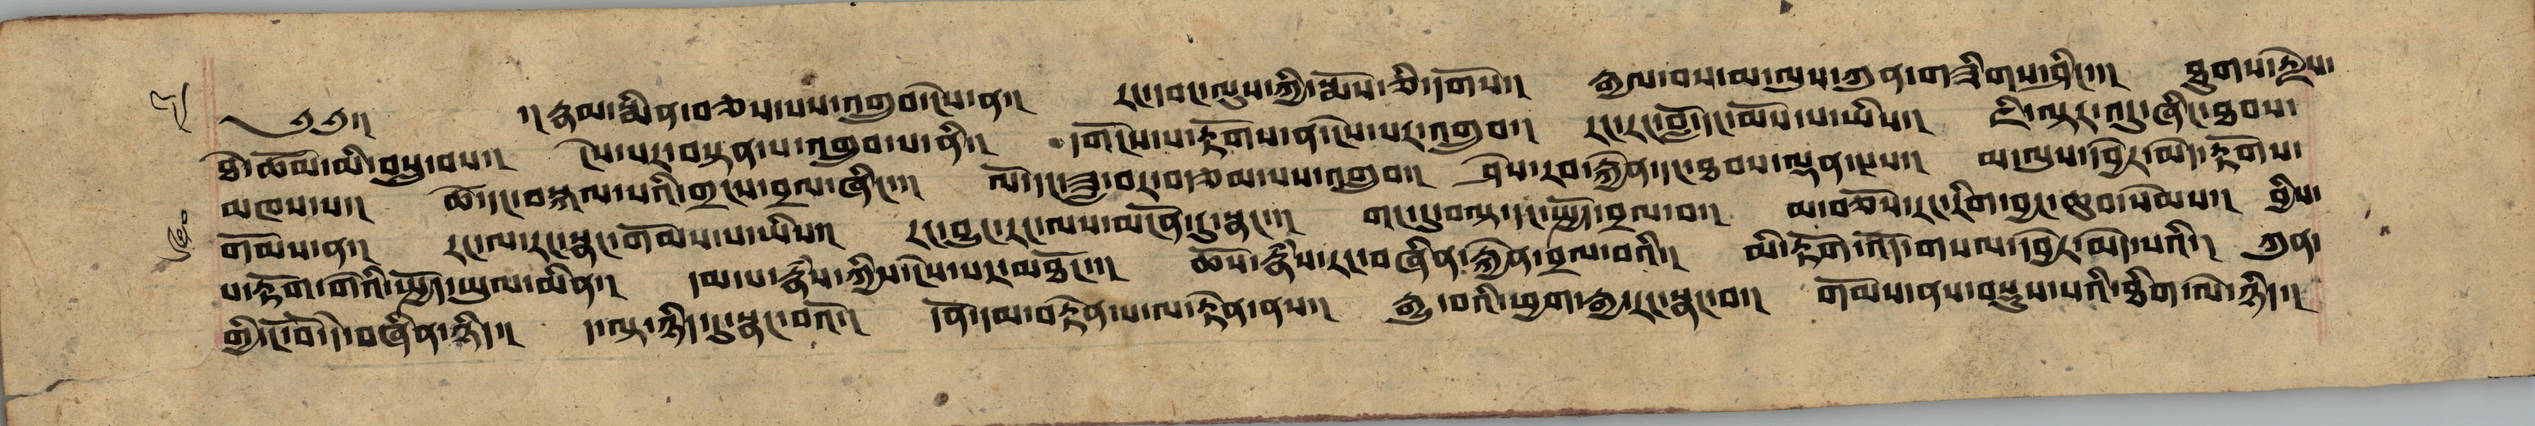༄༅་། ་།རྣམ་སྨིན་བཅས་པས་འགྲུབ་ངེས་ན་། རང་དབང་ལུས་ཀྱི་སྨོས་ཅི་དགོས་། རྒྱལ་བས་མ་ལུས་ཀུན་གཟིགས་ཤིང་་། ཐུགས་རྗེས་
ཐེ་ཚོམ་མི་བསླུ་བས་། ངེས་པར་བསྟན་པ་འགྲུབ་པ་ནི་། དགོངས་པ་རྟོགས་ན་ངེས་པར་འགྲུབ་། རང་རང་བློ་དང་མོས་པ་ཡིས་། ཇི་ལྟར་འདུ་ཞིང་ཐབས་
མཁས་པ་། ཚེ་དང་བསྐལ་པའི་གྲངས་བྲལ་ཞིང་་། ལོ་དང་ཟླ་བར་བརྩམ་པས་འགྲུབ་། ཤེས་རབ་རྐྱེན་དང་ཐབས་ལྡན་པས་། མ་ལུས་དབྱེར་མེད་རྟོགས་
གོམས་ན་། རང་ལ་རང་སྣང་གོམས་པ་ཡིས་། རང་བྱུང་རང་ལས་མངོན་དུ་སྣང་། གང་དུ་བལྟ་དང་སྤྱོད་བྲལ་བ་། མ་བཅོས་རང་རིག་བྱང་ཆུབ་སེམས་། བྱིས་
པ་རྟོག་གེའི་སྤྱོད་ཡུལ་མིན་། དམ་པ་རྣཾས་ཀྱིས་ངེས་པར་མཐོང་་། ཆོས་རྣཾས་རང་བཞིན་རྐྱེན་བྲལ་བའི་། མི་རྟོག་འོད་གསལ་དབྱེར་མེད་པའི་། ཀུན་
གྱི་ངོ་བོ་དེ་བཞིན་ཉིད་། ད་ལྟ་ཉིད་དུ་སྣང་བའོ་། དོན་དམ་བརྟེན་པ་ལ་རྟེན་ནས་། རྒྱུ་བའི་ཕྱག་རྒྱ་རང་སྣང་བ་། གོམས་ནས་བསྡུས་པའི་ཐིག་ལེ་ཉིད་།